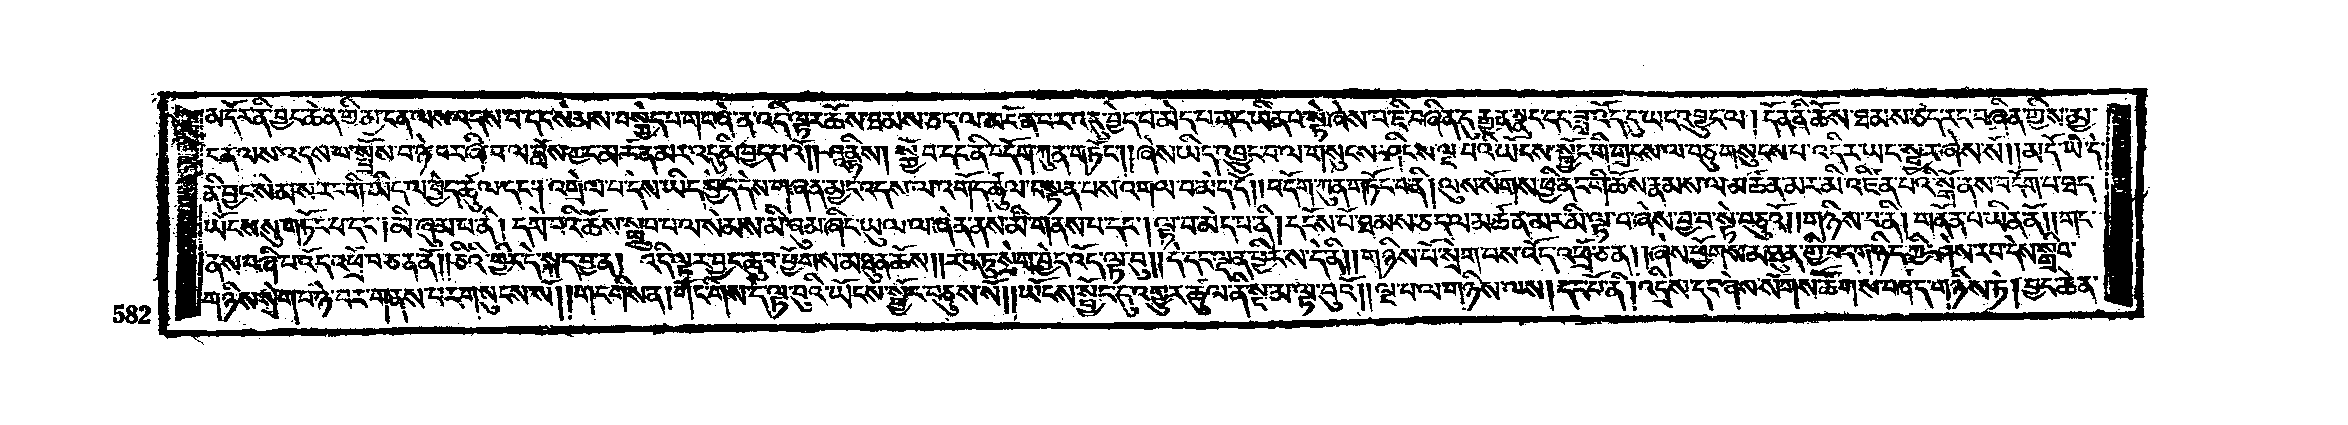མདོར་ནི་བྱང་ཆེན་གྱི་མྱ་ངན་ལས་འདས་པ་དང་སེམས་བསྐྱེད་པ་གང་ཞེ་ན་འདི་ལྟར་ཆོས་ཐམས་ཅད་ལ་མངོན་པར་འདུ་བྱེད་པ་མེད་པ་གང་ཡིན་པ་སྟེ་ཞེས་པ་ཇི་བཞིན་དུ་རྒྱན་སྣང་དང་ཟླ་འོད་དུ་ཡང་འབྱུང་ལ། དོན་ནི་ཆོས་ཐམས་ཅད་རང་བཞིན་གྱིས་མྱ་
ངན་ལས་འདས་པ་སྤྲོས་པ་ཉེ་བར་ཞི་བ་ལ་བློས་ཀྱང་མཚན་མར་འདུ་མི་བྱེད་པའོ། །ཤཱནྟིས། སྐྱོབ་དང་ནི་བདོག་ཀུན་གཏོང་། །ཞེས་ཡིད་འབྱུང་བ་ལ་གསུངས་ཤིང་ས་ལྔ་པའི་ཡོངས་སྦྱོང་གི་གྲངས་ལ་བཅུ་གསུངས་པ་འདིར་ཡང་སྦྱར་ཞེས་སོ། །མདོ་ཡི་དེ་
ནི་བྱང་སེམས་རང་གི་ཡིད་ལ་བྱེད་ཚུལ་དང་། འགྲེལ་པ་དེས་ཡིད་བྱེད་དེས་གཞན་མྱང་འདས་ལ་འགོད་ཚུལ་བསྟན་པས་འགལ་བ་མེད་དོ། །བདོག་ཀུན་གཏོང་བ་ནི། ལུས་སོགས་ཕྱི་ནང་གི་ཆོས་རྣམས་ལ་མཚན་མར་མི་འཛིན་པའི་སྒོ་ནས་བདོག་པ་ཐད་
ཡོངས་སུ་གཏོང་པ་དང་། མི་ཞུམ་པ་ནི། དགེ་བའི་ཆོས་སྒྲུབ་པ་ལ་སེམས་མི་ཞུམ་ཞིང་ཡུལ་ལ་ཞེན་ནས་མི་གནས་པ་དང་། ལྟ་བ་མེད་པ་ནི། དངོས་པོ་ཐམས་ཅད་ལ་མཚན་མར་མི་ལྟ་བ་ཞེས་བྱ་པ་སྟེ་བཅུའོ། །གཉིས་པ་ནི། གནོན་པ་ཡིན་ནོ། །གང་
ནས་བཞི་པ་འོད་འཕྲོ་བ་ཅན་ནོ། །ཅིའི་ཕྱིར་དེ་སྐད་བྱ་ན། འདི་ལྟར་བྱང་ཆུབ་ཕྱོགས་མཐུན་ཆོས། །རབ་ཏུ་སྲེག་བྱེད་འོད་ལྟ་བུ། །དེ་དང་ལྡན་ཕྱིར་ས་དེ་ནི། །གཉིས་པོ་སྲེག་པས་འོད་འཕྲོ་ཅན། །ཞེས་ཕྱོགས་མཐུན་གྱི་བདག་ཉིད་ཀྱི་ཤེས་རབ་དེས་སྒྲིབ་
གཉིས་སྲེག་པ་ཉེ་བར་གནས་པར་གསུངས་སོ། །གང་གིས་ན། གོང་གིས་དེ་ལྟ་བུའི་ཡོངས་སྦྱོང་བཅུས་སོ། །ཡོངས་སྦྱོང་དུ་འགྱུར་ཚུལ་ནི་སྔ་མ་ལྟ་བུའོ། །ལྔ་པ་ལ་གཉིས་ལས། དང་པོ་ནི། འདྲིས་དང་ཞེས་སོགས་ཚིགས་བཅད་གཉིས་ཏེ། བྱང་ཆེན་